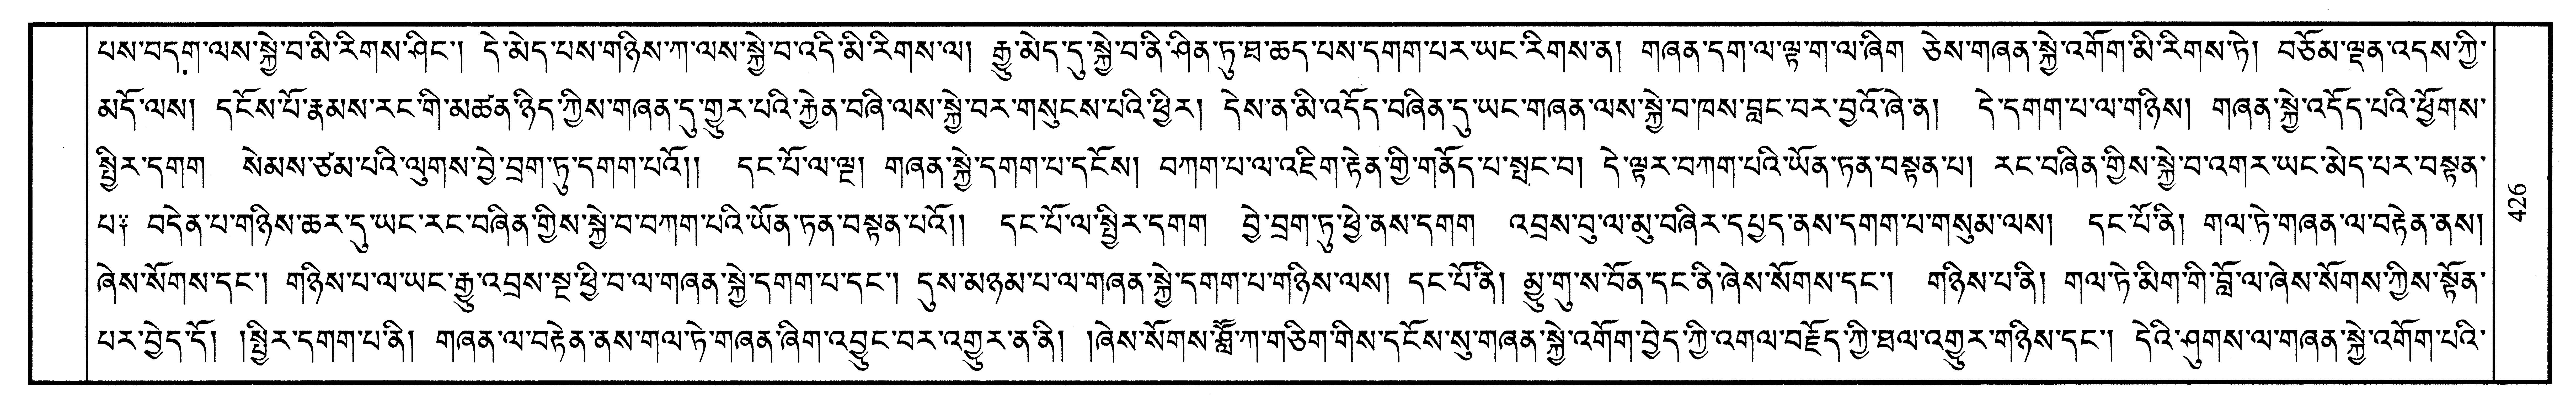པས་བདག་ལས་སྐྱེ་བ་མི་རིགས་ཤིང་། དེ་མེད་པས་གཉིས་ཀ་ལས་སྐྱེ་བ་འདི་མི་རིགས་ལ། རྒྱུ་མེད་དུ་སྐྱེ་བ་ནི་ཤིན་ཏུ་ཐ་ཆད་པས་དགག་པར་ཡང་རིགས་ན། གཞན་དག་ལ་ལྟ་ག་ལ་ཞིག། ཅེས་གཞན་སྐྱེ་འགོག་མི་རིགས་ཏེ། བཅོམ་ལྡན་འདས་ཀྱི་
མདོ་ལས། དངོས་པོ་རྣམས་རང་གི་མཚན་ཉིད་ཀྱིས་གཞན་དུ་གྱུར་པའི་རྐྱེན་བཞི་ལས་སྐྱེ་བར་གསུངས་པའི་ཕྱིར། དེས་ན་མི་འདོད་བཞིན་དུ་ཡང་གཞན་ལས་སྐྱེ་བ་ཁས་བླང་བར་བྱའོ་ཞེ་ན། དེ་དགག་པ་ལ་གཉིས། གཞན་སྐྱེ་འདོད་པའི་ཕྱོགས་
སྤྱིར་དགག །སེམས་ཙམ་པའི་ལུགས་བྱེ་བྲག་ཏུ་དགག་པའོ།། དང་པོ་ལ་ལྔ། གཞན་སྐྱེ་དགག་པ་དངོས། བཀག་པ་ལ་འཇིག་རྟེན་གྱི་གནོད་པ་སྤང་བ། དེ་ལྟར་བཀག་པའི་ཡོན་ཏན་བསྟན་པ། རང་བཞིན་གྱིས་སྐྱེ་བ་འགར་ཡང་མེད་པར་བསྟན་
པ༑ བདེན་པ་གཉིས་ཆར་དུ་ཡང་རང་བཞིན་གྱིས་སྐྱེ་བ་བཀག་པའི་ཡོན་ཏན་བསྟན་པའོ།། དང་པོ་ལ་སྤྱིར་དགག །བྱེ་བྲག་ཏུ་ཕྱེ་ནས་དགག། འབྲས་བུ་ལ་མུ་བཞིར་དཔྱད་ནས་དགག་པ་གསུམ་ལས། དང་པོ་ནི། གལ་ཏེ་གཞན་ལ་བརྟེན་ནས།
ཞེས་སོགས་དང་། གཉིས་པ་ལ་ཡང་རྒྱུ་འབྲས་སྔ་ཕྱི་བ་ལ་གཞན་སྐྱེ་དགག་པ་དང་། དུས་མཉམ་པ་ལ་གཞན་སྐྱེ་དགག་པ་གཉིས་ལས། དང་པོ་ནི། མྱུ་གུ་ས་བོན་དང་ནི་ཞེས་སོགས་དང་། གཉིས་པ་ནི། གལ་ཏེ་མིག་གི་བློ་ལ་ཞེས་སོགས་ཀྱིས་སྟོན་
པར་བྱེད་དོ། །སྤྱིར་དགག་པ་ནི། གཞན་ལ་བརྟེན་ནས་གལ་ཏེ་གཞན་ཞིག་འབྱུང་བར་འགྱུར་ན་ནི། །ཞེས་སོགས་ཤླཽ་ཀ་གཅིག་གིས་དངོས་སུ་གཞན་སྐྱེ་འགོག་བྱེད་ཀྱི་འགལ་བརྗོད་ཀྱི་ཐལ་འགྱུར་གཉིས་དང་། དེའི་ཤུགས་ལ་གཞན་སྐྱེ་འགོག་པའི་